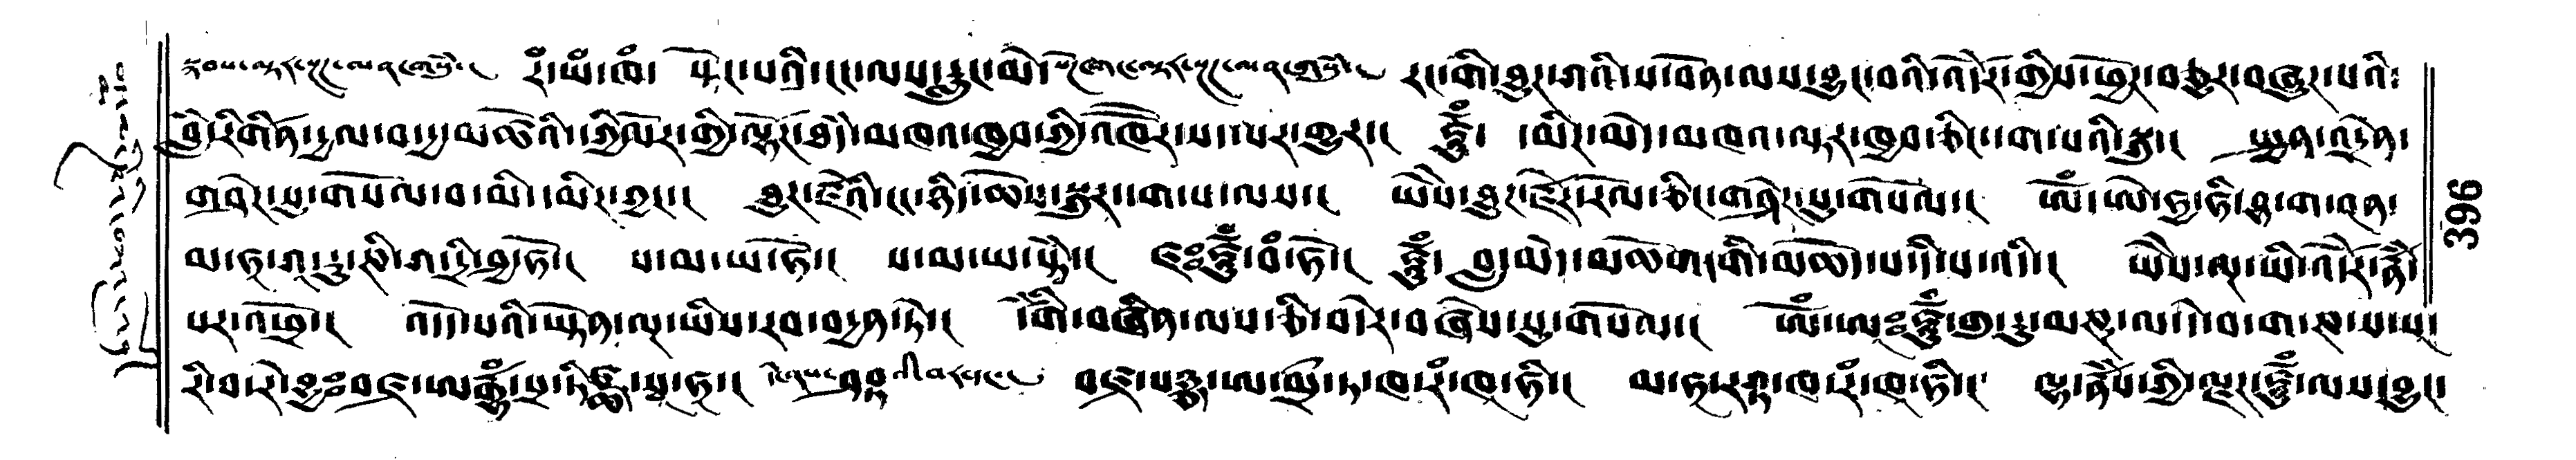སྐབས་ལྟར་སྔགས་ལན་གསུམ། རཾ་ཡཾ་ཁཾ། སྟོང་པའི་ངང་ལས་རླུང་མེ་སོགས་གང་ལྟར་སྔགས་ལན་གསུམ། རང་གི་ཐུགས་ཀའི་ས་བོན་ལས་བྱུང་བའི་འོད་ཟེར་གྱིས་ཕྱོགས་བཅུར་བཞུགས་པའི་
བླ་མ་རིག་འཛིན་རྒྱལ་བ་རྒྱ་མཚོའི་དཀྱིལ་འཁོར་གྱི་ལྷ་ཚོགས་ཐམས་ཅད་མཁའ་ཁྱབ་ཀྱི་འཁོར་ལོར་སད་པར་གྱུར། ཧཱུྃ། དམིགས་མེད་མཁའ་ལྟར་ཁྱབ་ཅིང་དག་པའི་སྐུ། །སྤྱན་འདྲེན་
གཤེགས་སུ་གསོལ་བར་མི་དམིགས་ཀྱང་། །ཐུགས་རྗེའི་ངང་ཉིད་ཆོས་སྐུར་དག་པ་ལས། །ཡེ་ཤེས་ཐུགས་རྗེར་རོལ་ཅིང་གཤེགས་སུ་གསོལ། ཨོཾ་ཨེ་ཧྱ་ཧི་བྷ་ག་ཝན། 
མ་ཧཱ་ཀ་རུ་ཎི་ཀ་དྲི་ཤྱ་ཧོ། ས་མ་ཡ་ཧོ། ས་མ་ཡ་སྟྭཾ། ཛཿཧཱུྃ་བཾ་ཧོ། ཧཱུྃ། བླ་མེད་མཆོག་གི་མཆོད་པ་དམ་པ་འདི། ཡེ་ཤེས་ལྔ་ཡི་འོད་ཟེར་རྣམ་
པར་འཕྲོ། འདོད་པའི་ཡོན་ཏན་ལྔ་ཡིས་རབ་བརྒྱན་ཏེ། དམ་ཚིག་བཞིན་ལས་ཅི་བདེར་བཞེས་སུ་གསོལ། ཨོཾ་ཨཱཿཧཱུྃ་གུ་རུ་མཎྜ་ལ་དྷེ་བ་ག་ཎ་ས་པཱ་
རི་བ་རེ་བྷྱཿབཛྲ་ཨརྒྷཾ་པྲ་ཏིཙྪ་སྭ་ཧཱ། དེ་ནས་ཤབྟའི་བར་དང་། བཛྲ་པཉྩ་ཨ་མྲྀ་ཏ་ཁ་རཾ་ཁཱ་ཧི། མ་ཧཱ་རཀྟ་ཁ་རཾ་ཁཱ་ཧི། ལྷ་རྣམས་ཀྱི་ལྗགས་ཧཱུྃ་ལས་བྱུང་